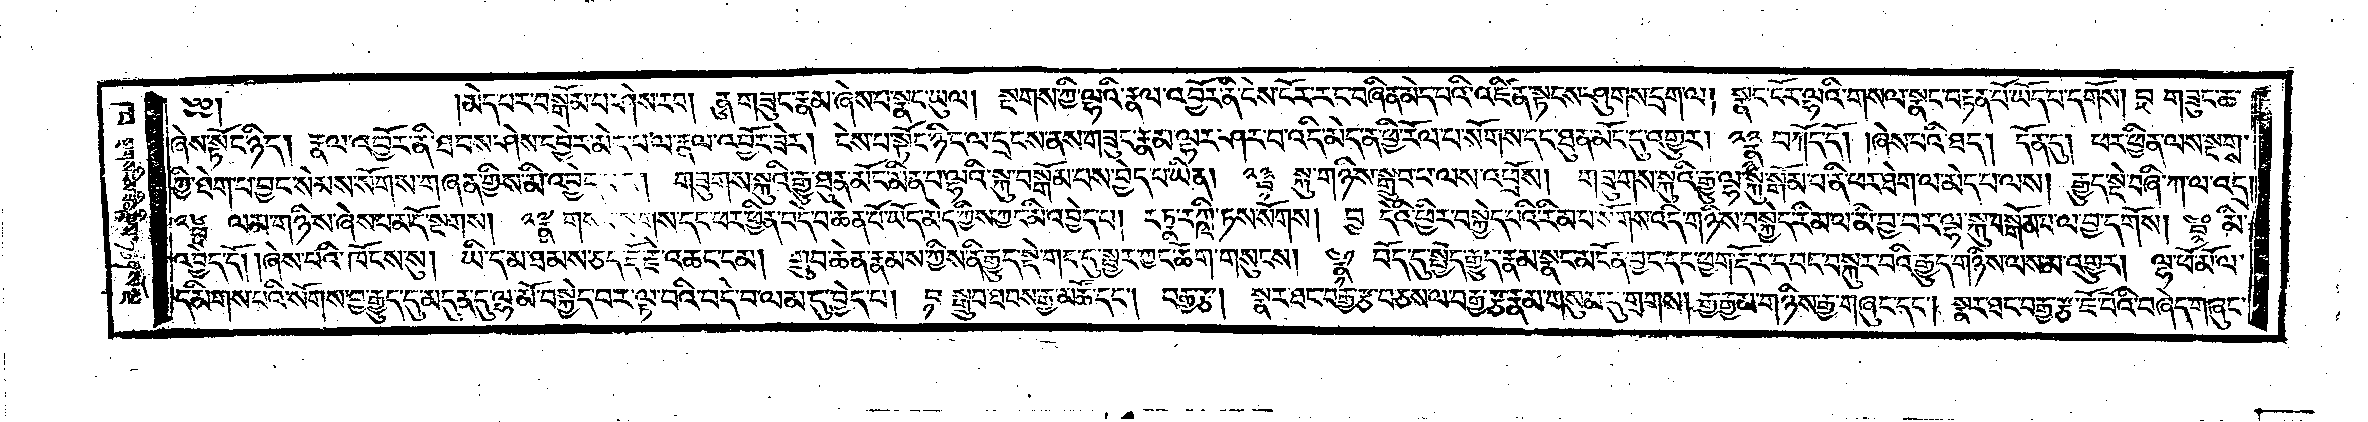༄༅། །མེད་པར་བསྒོམ་པ་ཤེས་རབ། ན༦་གཟུང་རྣམ་ཞེས་པ་སྣང་ཡུལ། སྔགས་ཀྱི་ལྷའི་རྣལ་འབྱོར་ནི་ངེས་ངོར་རང་བཞིན་མེད་པའི་འཛིན་སྟངས་ཤུགས་དྲག་ལ། སྣང་ངོར་ལྷའི་གསལ་སྣང་བརྟན་པོ་ཡོད་པ་དགོས། བ༥་གཟུང་ཆ་
ཞེས་སྟོང་ཉིད། རྣལ་འབྱོར་ནི་ཐབས་ཤེས་དབྱེར་མེད་པ་ལ་རྣལ་འབྱོར་ཟེར། ངེས་པ་སྟོང་ཉིད་ལ་དྲངས་ནས་གཟུང་རྣམ་ལྷར་ཤར་བ་འདི་མེད་ན་ཕྱི་རོལ་པ་སོགས་དང་ཐུན་མོང་དུ་འགྱུར། ༢༢ན༣་བཀོད་དོ། །ཞེས་པའི་འཐད། དོན་དུ། ཕར་ཕྱིན་ལས་སྔགས་
ཀྱི་ཐེག་པ་བྱང་སེམས་སོགས་གཞན་གྱིས་མི་འབྱེད་དང་། གཟུགས་སྐུའི་རྒྱུ་ཐུན་མོང་མིན་པ་ལྷའི་སྐུ་བསྒོམ་པས་བྱེད་པ་ཡིན། ༡༣བ༡་སྐུ་གཉིས་སྒྲུབ་པ་ལས་འཕྲོས། གཟུགས་སྐུའི་རྒྱུ་ལྷ་སྐུ་སྒོམ་པ་ནི་ཕར་ཐེག་ལ་མེད་པ་ལས། རྒྱུད་སྡེ་བཞི་ཀ་ལ་འདྲ།
༢༦བ༥་ལམ་གཉིས་ཞེས་པ་མདོ་སྔགས། ༢༧ན༥་གསང་སྔགས་དང་ཕར་ཕྱིན་བདེ་བ་ཆེན་པོ་ཡོད་མེད་ཀྱིས་ཀྱང་མི་འབྱེད་པ། རཏྣ་རཀྵི་ཏས་སོགས། བ༤་དེའི་ཕྱིར་བསྐྱེད་པའི་རིམ་པ་སོགས་འདི་གཉིས་བསྐྱེད་རིམ་ལ་མི་བྱ་བར་ལྷ་སྐུ་བསྒོམ་པ་ལ་བྱ་དགོས། ༤༠བ༢་མི་
འབྱེད་དོ། །ཞེས་པའི་ཁོངས་སུ། ཡི་དམ་ཐམས་ཅད་རྡོ་རྗེ་འཆང་ངམ། གྲུབ་ཆེན་རྣམས་ཀྱིས་ནི་རྒྱུད་སྡེ་གང་དུ་སྦྱར་ཀྱང་ཆོག་གསུངས། ༤༡ན༡་བོད་དུ་སྤྱོད་རྒྱུད་རྣམ་སྣང་མངོན་བྱང་དང་ཕྱག་རྡོར་དབང་བསྐུར་བའི་རྒྱུད་གཉིས་ལས་མ་འགྱུར། ལྷ་ཕོ་མོ་ལ་
དམིགས་པའི་སོགས་བྱ་རྒྱུད་དུ་མདུན་དུ་ལྷ་མོ་བསྐྱེད་པར་ལྟ་བའི་བདེ་བ་ལམ་དུ་བྱེད་པ། བ༡་སྒྲུབ་ཐབས་རྒྱ་མཚོ་དང་། བརྒྱ་རྩ། སྣར་ཐང་བརྒྱ་རྩ་བཅས་ལ་བརྒྱ་རྩ་རྣམ་གསུམ་དུ་གྲགས། རྒྱ་རྒྱམ་གཉིས་རྒྱ་གཞུང་དང་། སྣར་ཐང་བརྒྱ་རྩ་ཇོ་བོའི་བཞེད་གཞུང་